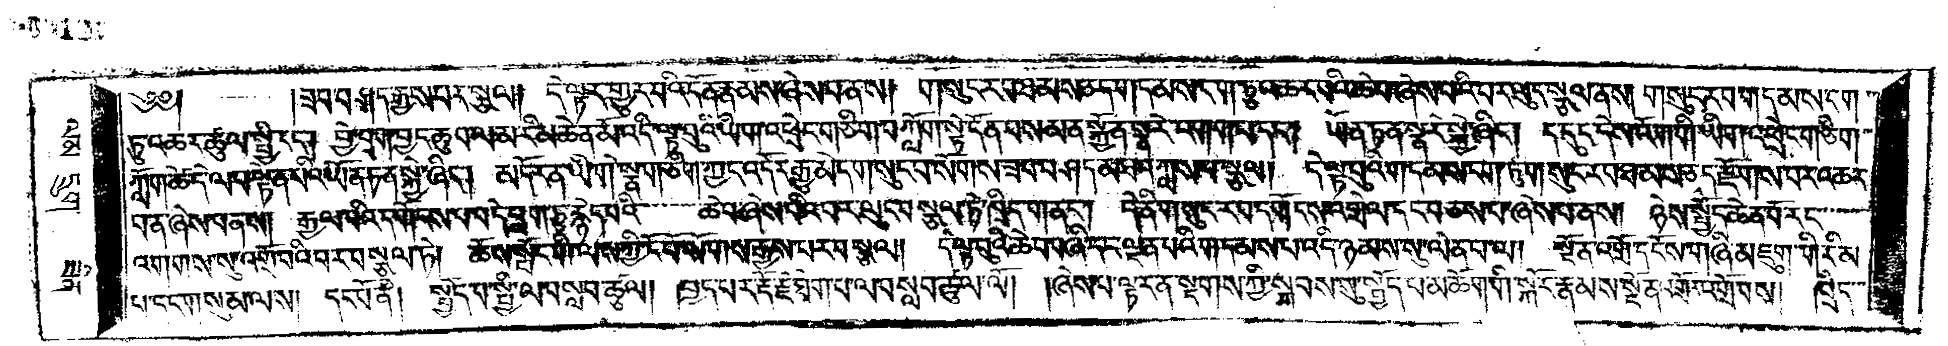༄༅། །ཟབ་བཤད་རྒྱས་པར་སྩལ། དེ་ལྟར་གྱུར་པའི་དོན་རྣམས་ཞེས་པ་ནས། གསུང་རབ་ཐམས་ཅད་གདམས་ངག་ཏུ་འཆར་བའི་ཆེལ་ཞེས་པའི་བར་ལུང་སྩལ་ནས། གསུང་རབ་གདམས་ངག་
ཏུ་འཆར་ཚུལ་སྤྱི་དང་། བྱེ་བྲག་བྱང་ཆུབ་ལམ་རིམ་ཆེན་མོ་འདི་ལྟ་བུའི་ཡིག་འཕྲེང་གཅིག་བཀློག་སྟེ་དོན་བསམ་ན་སྐྱོན་སྣ་རེ་འགག་པ་དང་། ཡོན་ཏན་སྣ་རེ་སྐྱེ་ཞིང་། ད་དུང་དེས་འོག་གི་ཡིག་འཕྲེང་གཅིག་
ཀློག་ཚེ་དེ་ལ་བསྟེན་པའི་ཡོན་ཏན་སྐྱེ་ཞིང་། མདོར་ན་ཡི་གེ་སྣ་གཅིག་ཀྱང་འདོར་རྒྱུ་མེད་གསུང་པ་སོགས་ཟབ་བཤད་མཐའ་ཀླས་པ་སྩལ། དེ་ལྟ་བུའི་གདམས་ངག་ཏུ་གསུང་རབ་ཐམས་ཅད་རྫོགས་པར་འཆར་
པ་ན་ཞེས་པ་ནས། རྒྱལ་བའི་དགོངས་པ་བདེ་བླག་ཏུ་རྙེད་པའི་ཆེ་བ་ཞེས་པའི་བར་ལུང་བསྩལ་ཏེ་ཁྲིད་གནང་། དེ་ནི་གསུང་རབ་དགོངས་འགྲེལ་དང་བཅས་པ་ཞེས་པ་ནས། ཉེས་སྤྱོད་ཆེན་པོ་རང་
འགགས་སུ་འགྲོ་བའི་བར་བསྩལ་ཏེ། ཆོས་སྤོང་གི་ལས་ཀྱི་ངོ་བོ་སོགས་རྒྱས་པར་བསྩལ། དེ་ལྟ་བུའི་ཆེ་བ་བཞི་དང་ལྡན་པའི་གདམས་པ་འདི་ཉམས་སུ་ལེན་པ་ལ། སྔོན་འགྲོ་དངོས་གཞི་མཇུག་གི་རིམ་
པ་དང་གསུམ་ལས། དང་པོ་ནི། སྤྱོད་པ་སྤྱི་ལ་བསླབ་ཚུལ། ཁྱད་པར་རྡོ་རྗེ་ཐེག་པ་ལ་བསླབ་ཚུལ་ལོ། །ཞེས་པ་ལྟར་ན་སྔགས་ཀྱི་སྐབས་སུ་སྤྱོད་པ་མཆོག་གི་སྐོར་རྣམས་སྔོན་འགྲོར་འགྲོ་བས། ཁྲིད་